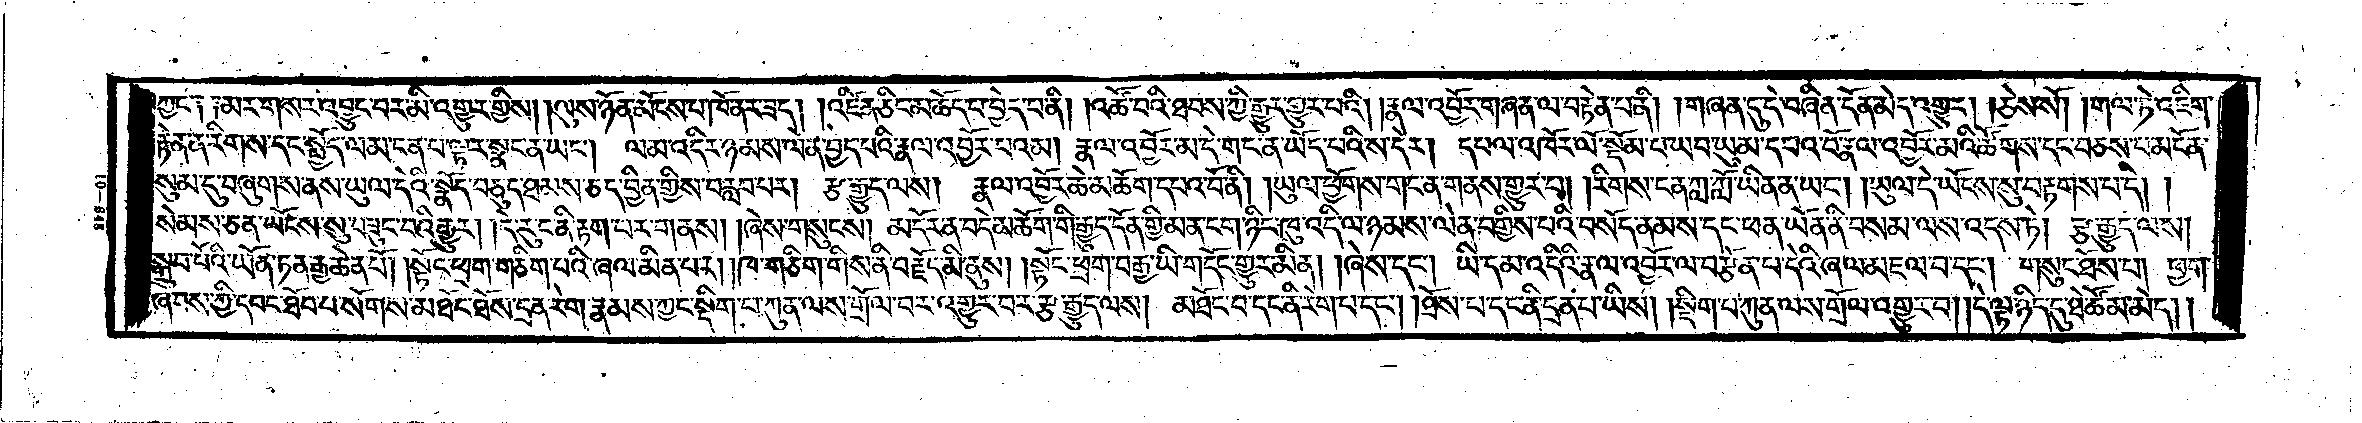ཀྱང༑ ༑མར་གསར་འབྱུང་བར་མི་འགྱུར་གྱིས། །ལུས་ཉོན་མོངས་པ་ཁོ་ནར་ཟད། །འཛིན་ཅིང་མཆོད་པ་བྱེད་པ་ནི། །འཚོ་བའི་ཐབས་ཀྱི་རྒྱུར་གྱུར་བའི། །རྣལ་འབྱོར་གཞན་ལ་བརྟེན་པ་ནི། །གཞན་དུ་དེ་བཞི་དོན་མེད་འགྱུར། །ཅེས་སོ། །གལ་ཏེ་འཇིག་
རྟེན་ན་རིགས་དང་སྤྱོད་ལམ་ངན་པ་ལྟར་སྣང་ན་ཡང་། ལམ་འདིར་ཉམས་ལེན་བྱེད་པའི་རྣལ་འབྱོར་བའམ། རྣལ་འབྱོར་མ་དེ་གང་ན་ཡོད་པའི་ས་དེར། དཔལ་འཁོར་ལོ་སྡོམ་པ་ཡབ་ཡུམ་དཔའ་བོ་རྣལ་འབྱོར་མའི་ཚོགས་དང་བཅས་པ་མངོན་
སུམ་དུ་བཞུགས་ནས་ཡུལ་དེའི་སྣོད་བཅུད་ཐམས་ཅད་བྱིན་གྱིས་བརླབ་པར། རྩ་རྒྱུད་ལས། རྣལ་འབྱོར་ཆེ་མཆོག་དཔའ་བོ་ནི། །ཡུལ་ཕྱོགས་གང་ན་གནས་གྱུར་པ། །རིགས་ངན་ཀླ་ཀློ་ཡིན་ན་ཡང་། །ཡུལ་དེ་ཡོངས་སུ་བརྟགས་པ་དེ། །
སེམས་ཅན་ཡོངས་སུ་བཟུང་བའི་རྒྱུར། །དེ་རུ་ང་ནི་རྟག་པར་གནས། །ཞེས་གསུངས། མདོར་ན་བདེ་མཆོག་གི་རྒྱུད་དོན་གྱི་མན་ངག་ཉིང་ཁུ་འདི་ལ་ཉམས་ལེན་བགྱིས་པའི་བསོད་ནམས་དང་ཕན་ཡོན་ནི་བསམ་ལས་འདས་ཏེ། རྩ་རྒྱུད་ལས།
སྒྲུབ་པོའི་ཡོན་ཏན་རྒྱ་ཆེན་པོ། །སྟོང་ཕྲག་གཅིག་པའི་ཞལ་མིན་པར། །ཁ་གཅིག་གིས་ནི་བརྗོད་མི་ནུས། །སྟོང་ཕྲག་བརྒྱ་ཡི་གདོང་གྱུར་མིན། །ཞེས་དང་། ཡི་དམ་འདིའི་རྣལ་འབྱོར་ལ་བརྩོན་པ་དེའི་ཞལ་མཇལ་བ་དང་། གསུང་ཐོས་པ། ཕྱག་
ཞབས་ཀྱི་དབང་ཐོབ་པ་སོགས་མཐོང་ཐོས་དྲན་རེག་རྣམས་ཀྱང་སྡིག་པ་ཀུན་ལས་གོལ་བར་འགྱུར་བར་རྩ་རྒྱུད་ལས། མཐོང་བ་དང་ནི་རེག་པ་དང་། །ཐོས་པ་དང་ནི་དྲན་པ་ཡིས། །སྡིག་པ་ཀུན་ལས་གྲོལ་འགྱུར་བ། །དེ་ལྟ་ཉིད་དུ་ཐེ་ཚོམ་མེད།